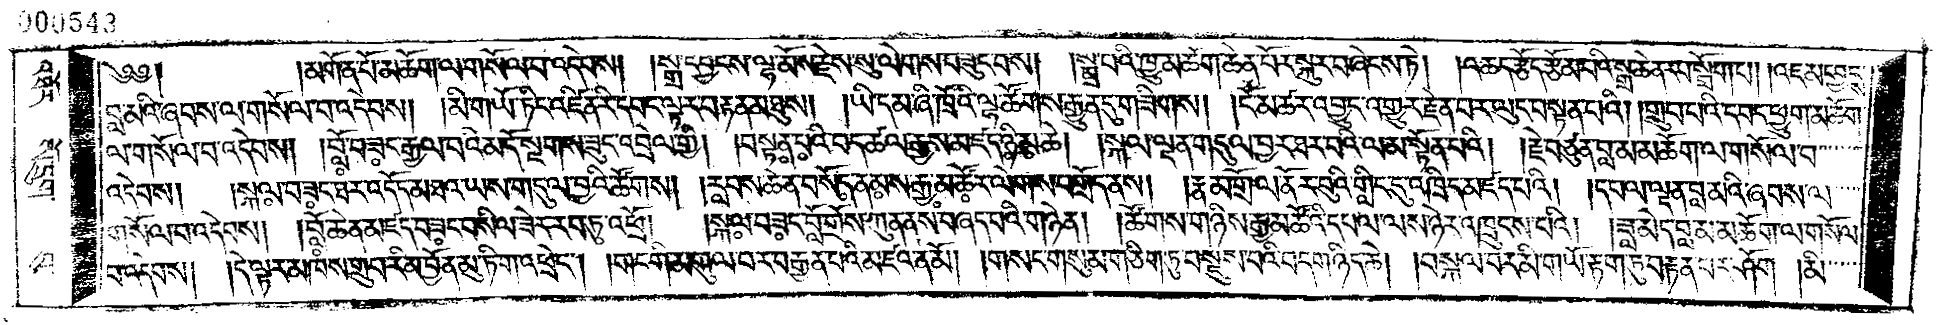༄༅། །མགོན་པོ་མཆོག་ལ་གསོལ་བ་འདེབས། །སྒྲ་དབྱངས་ལྷ་མོས་རྗེས་སུ་ལེགས་བཟུང་བས། །སྨྲ་བའི་ཁྱུ་མཆོག་ཆེན་པོར་སྐུར་བཞེངས་ཏེ། །འཆད་རྩོད་རྩོམ་པའི་སྒྲ་ཆེན་རབ་སྒྲོགས་པ། །འཇམ་དབྱངས་
བླ་མའི་ཞབས་ལ་གསོལ་བ་འདེབས། །མི་གཡོ་ཏིང་འཛིན་རི་དབང་ལྟར་བརྟན་མཐུས། །ཡི་དམ་ཞི་ཁྲོའི་ལྷ་ཚོགས་རྒྱུན་དུ་གཟིགས། །ངོ་མཚར་འབྱུང་འགྱུར་རྗེན་བར་ལུང་བསྟན་པའི། །གྲུབ་པའི་དབང་ཕྱུག་མཆོག་
ལ་གསོལ་བ་འདེབས། །བློ྾་བཟང྾་རྒྱལ་བའི་མདོ་སྔགས་ཟུང་འབྲེལ་གྱི། །བསྟན྾་པའི྾་པད་ཚལ་རྒྱས་མཛད་ཉི྾་མ྾་ཆེ། །སྐལ་ལྡན་གདུལ་བྱར་ཐར་པའི་ལམ་སྟོན་པའི། །རྗེ་བཙུན་བླ་མ་མཆོག་ལ་གསོལ་བ་
འདེབས། །སྐལ྾་བཟང྾་ཐར་འདོད་མཐའ་ཡས་གདུལ་བྱའི་ཚོགས། །རླབས་ཆེན་བསོད྾་ནམས྾་རྒྱ྾་མཚོར྾་ལེགས་བགྲོད་ནས། །རྣམ་གྲོལ་ནོར་བུའི་གླིང་དུ་འཁྲིད་མཛད་པའི། །དཔལ་ལྡན་བླ་མའི་ཞབས་ལ་
གསོལ་བ་འདེབས། །བློ྾་ཆེན་མཛད་བཟང྾་བསིལ་ཟེར་རབ་ཏུ་འཕྲོ། །སྐལ྾་བཟང྾་བློ་གྲོས་ཀུན་ནས་བཞད་པའི་གཉེན། །ཚོགས་གཉིས་རྒྱ་མཚོའི་དཔལ་ལས་ཉེར་འཁྲུངས་པའི། །ཟླ་མེད་བླ་མ་མཆོག་ལ་གསོལ་
བ་འདེབས། །དེ་ལྟར་མཁས་གྲུབ་རིམ་བྱོན་མུ་ཏིག་འཕྲེང་། །གང་གི་མགུལ་བར་བརྒྱན་པའི་མཛའ་ན་མོ། །གསང་གསུམ་གཅིག་ཏུ་བསྡུས་པའི་བདག་ཉིད་ཆེ། །བསྐལ་བར་མི་གཡོ་རྟག་ཏུ་བརྟན་པར་ཤོག །མི་